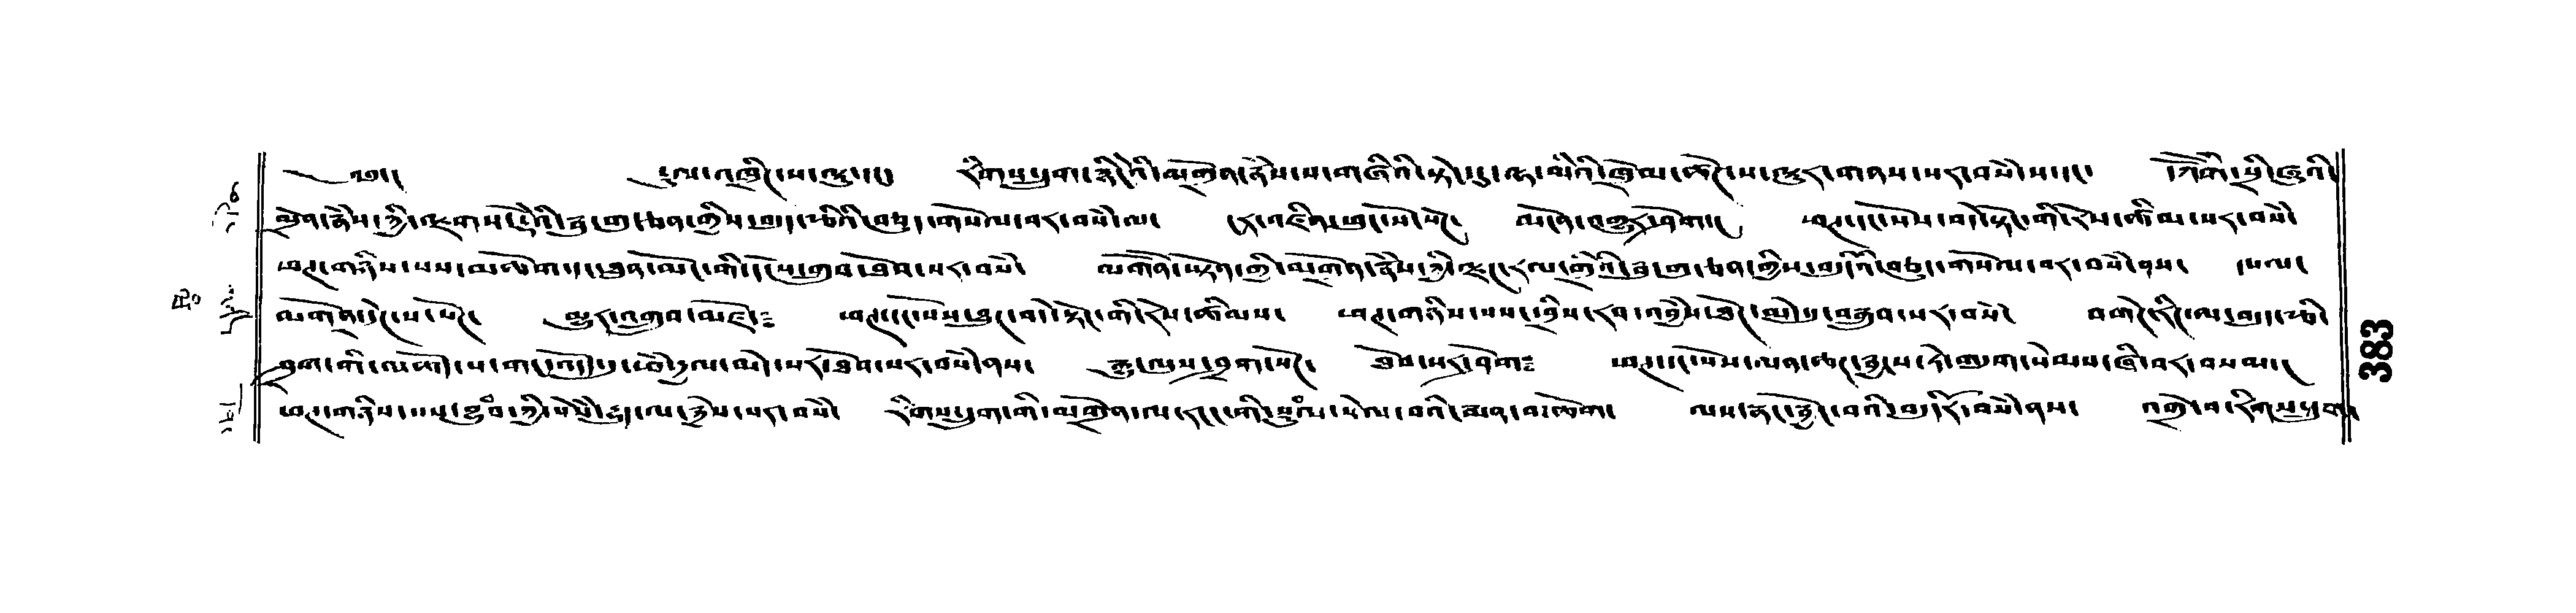རྡུལ་འཁྲིགས་པ་ལྟ་བུ་དང་། རིགས་དྲུག་སྙིང་རྗེའི་མགྲོན་རྣམས་ས་གཞིའི་སྟེང་དུ་ལྷ་མིའི་ཁྲོམ་ཚོགས་པ་ལྟ་བུར་གནས་པར་བསམ་པ་དང་། དཀོན་མཆོག་གསུམ་སྲི་ཞུའི་
མགྲོན་རྣམས་ཀྱི་ལྗགས་རྡོ་རྗེའི་སྦུ་གུ་ཅན་གྱིས་བདུད་རྩིའི་བཅུད་གསོལ་བར་བསམ་ལ། ངར་འཛིན་ཕུང་པོ་སོགས། མངོན་འགྱུར་ཤོག༔ ཕཊ་དང་པོས་བདེ་སྟོང་གི་རོས་ཚིམ་པར་བསམ། 
ཕཊ་གཉིས་པས་མཆོག་དང་ཐུན་མོང་གི་དངོས་གྲུབ་ཐོབ་པར་བསམ། མགོན་པོ་ཡོན་ཏན་གྱི་མགྲོན་རྣམས་ཀྱི་ལྗགས་རལ་གྲིའི་སྦུ་གུ་ཅན་གྱིས་བདུད་རྩིའི་བཅུད་གསོལ་བར་བསམ་ནས། དཔལ་
མགོན་དྲེགས་པ་སོགས། མྱུར་འགྲུབ་མཛོད༔ ཕཊ་དང་པོས་ཐུགས་བདེ་སྟོང་གི་རོས་ཚིམས། ཕཊ་གཉིས་པས་ཕྲིན་ལས་རབ་འབྱམས་ཐོགས་མེད་དུ་བསྒྲུབ་པར་བསམ། བགེགས་རིགས་ལ་བདུད་རྩི་
ཤ་ཁྲག་གི་མཆོད་པ་གང་འདོད་དུ་ཕམ་རྒྱལ་མེད་པར་ཐོབ་པར་བསམ་ནས། སྒྱུ་ལུས་ཤ་ཁྲག་སོགས། ཐོབ་པར་ཤོག༔ ཕཊ་དང་པོས་ལན་ཆགས་སྦྱངས་ཏེ་གདུག་སེམས་ཞི་བར་བསམ། 
ཕཊ་གཉིས་པས་བྱང་ཆུབ་ཀྱི་སེམས་རྒྱུད་ལ་སྐྱེས་པར་བསམ། རིགས་དྲུག་གི་མགྲོན་ལ་རང་རང་གི་སྡུག་བསྔལ་སེལ་བའི་སྨན་མཆོག ལས་སྣང་སྦྱོང་བའི་བདུད་རྩིར་བསམ་ནས། འགྲོ་བ་རིགས་དྲུག་